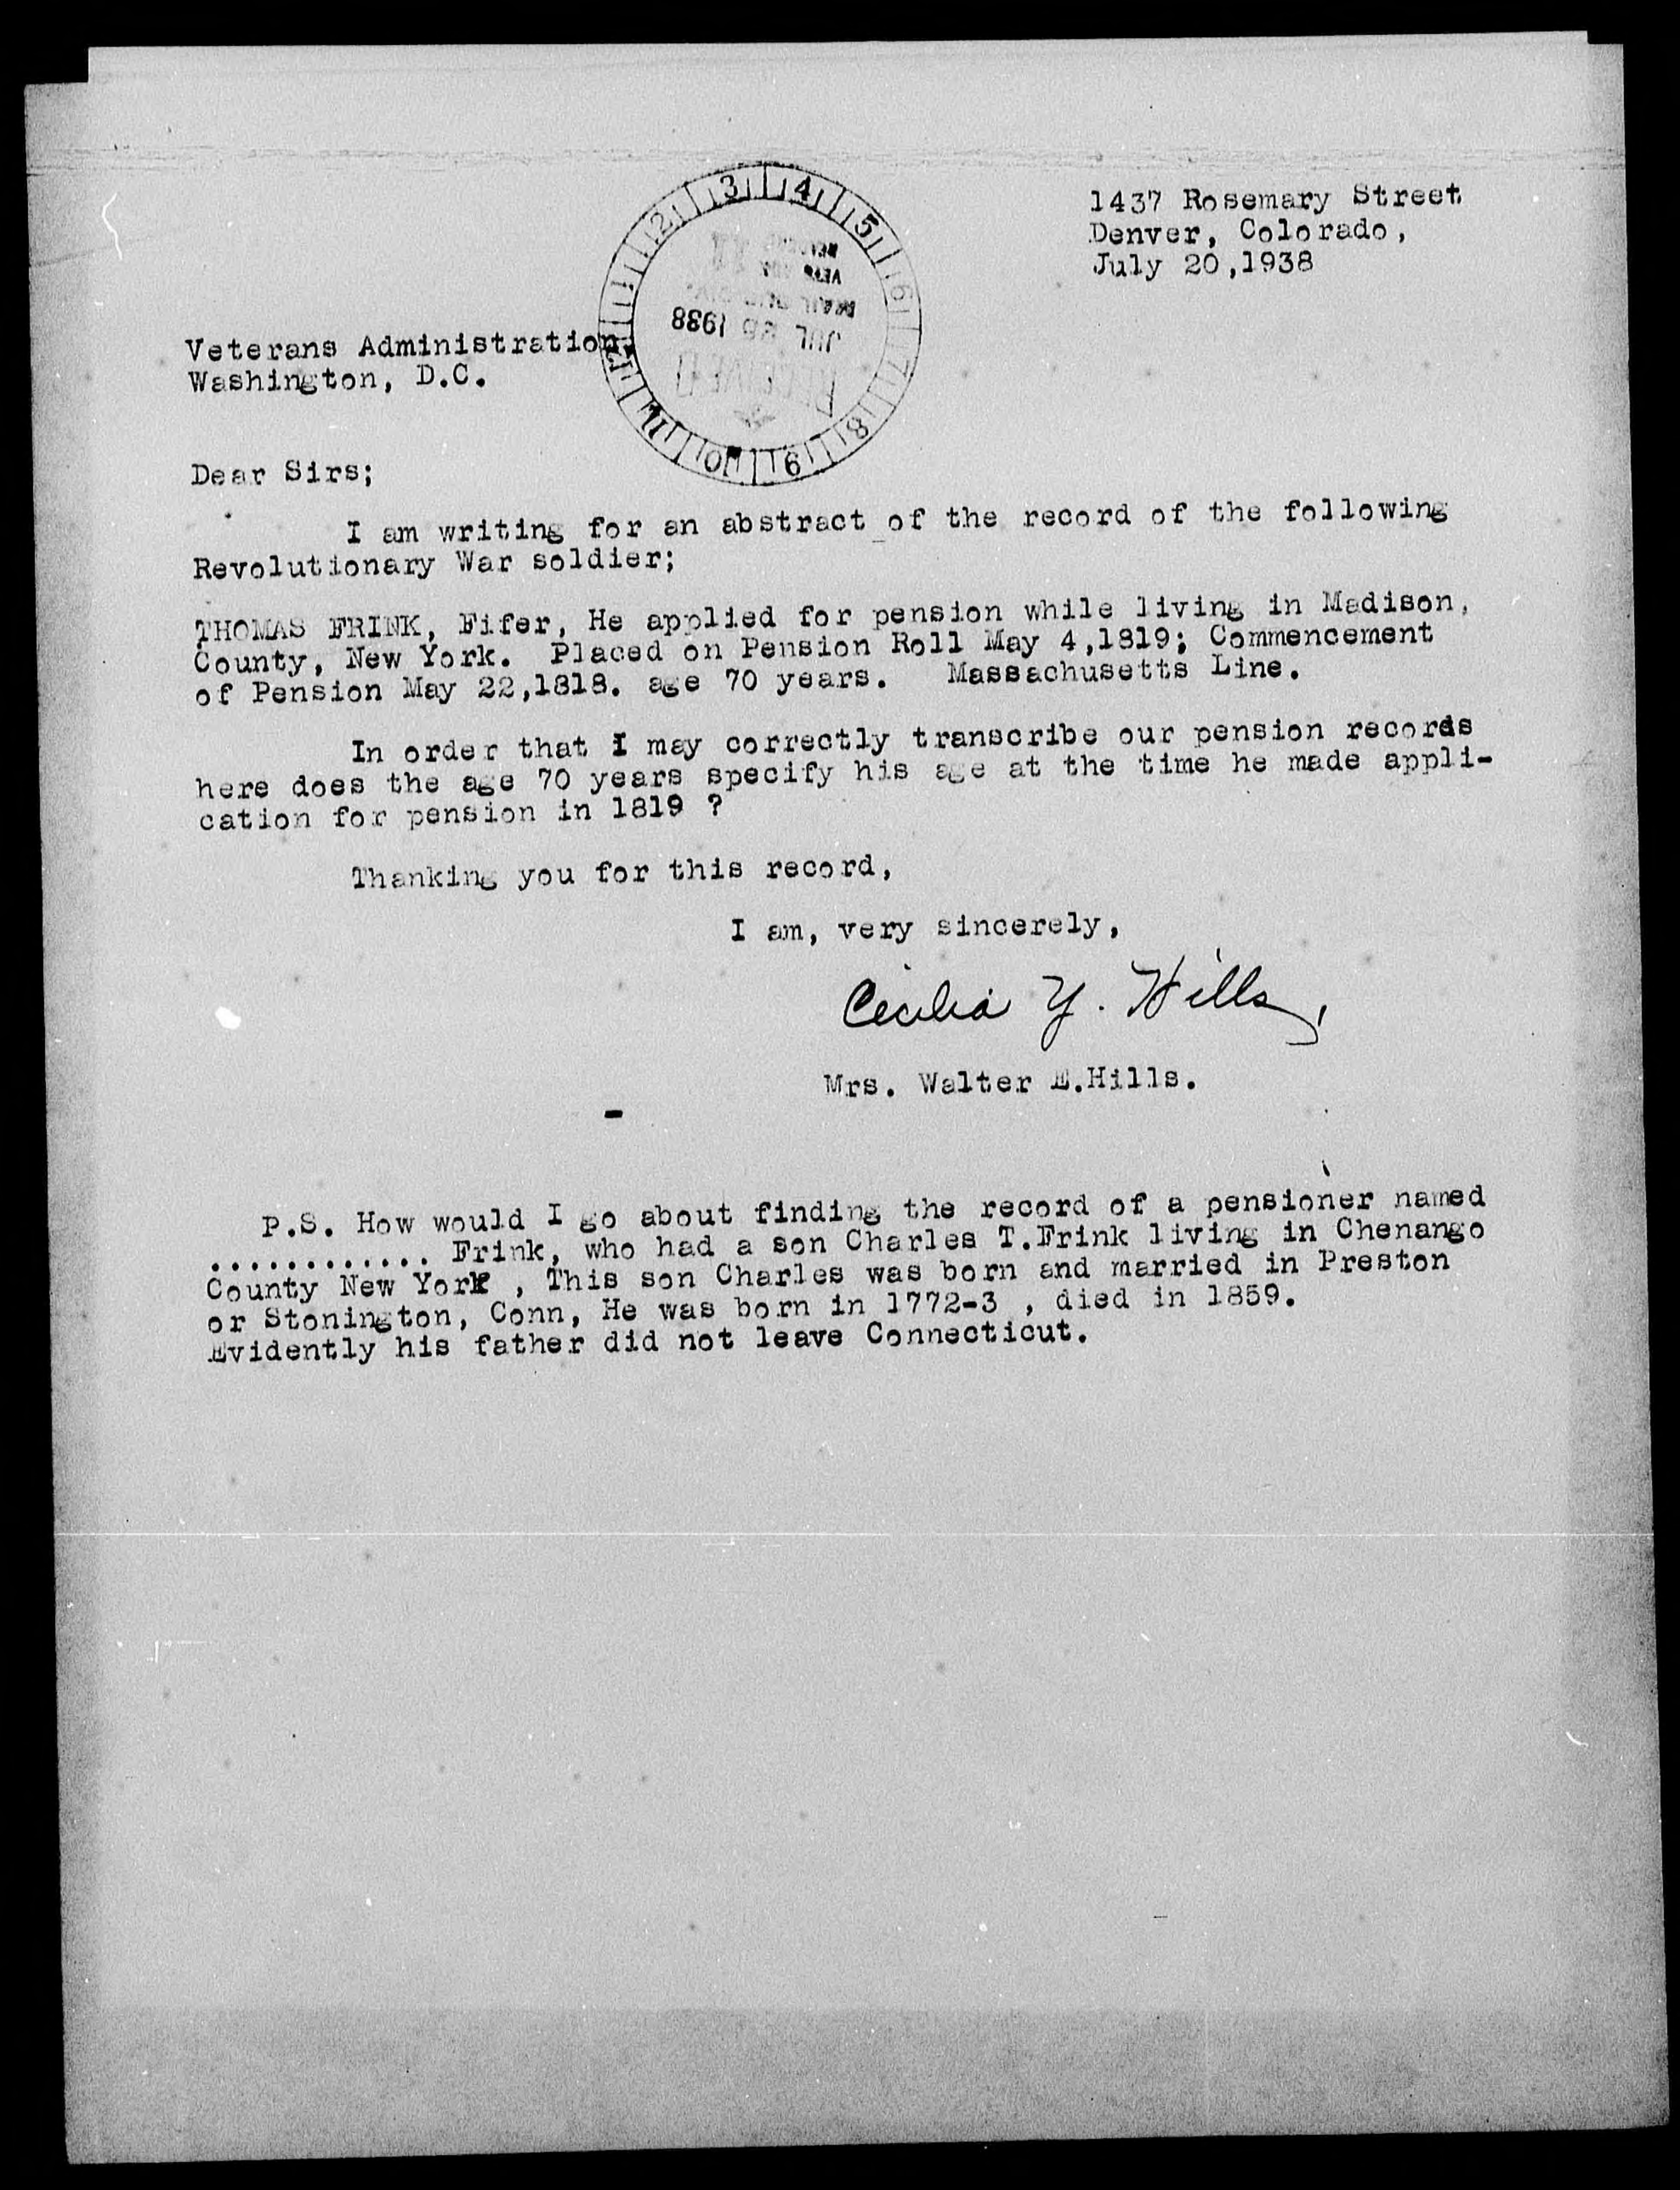1437 Rosemary Streeet
                                                                   Denver, Colorado,
                                                                    July 20, 1938
Veterans Administration,
Washington, D.C.

Dear Sirs;     I am writing for an abstract of the record of the following Revolutionary War soldier;

THOMAS FRINK, Fifer, He applied for pension while living in Madison, County, New York.  Placed on Pension roll May 4 1819; Commencement of Pension May 22, 1818, age 70 years.    Massachusetts Line.

    In order that I may correctly transcribe our pension records here does the age 70 years specify his age at the time he made application for pension in 1819?
   
        Thank you for this record,

                                     I am, Very sincerely,
                                              Cecilia  Y. Hills
                                              Mrs. Walter E. Hills.

P. S. How would I go about finding the record of a pensioner named ...........Frink, who had a son Charles T. Frink living in Chenango County New York,  This son Charles was born and married in Preston or Stonington,  Conn. He was born in 1772-73, died in 1859.
Evidently his father did not leave Connecticut.


[at th etop of the letter is a large found stamp.  with a clock face motif around the edge. in the center is written:]
    
            RECEIVED
             JUL 25, 1938
            MAIL  (illegible) DIV
            VETS (illegible)
            (illegible)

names: Charles, Cecilia Y Hills, Charles T Frink, Frink, Walter E Hills, Thomas Frink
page: 30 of 33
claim: survivor's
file: S 43571, Thomas Frink, Mass.